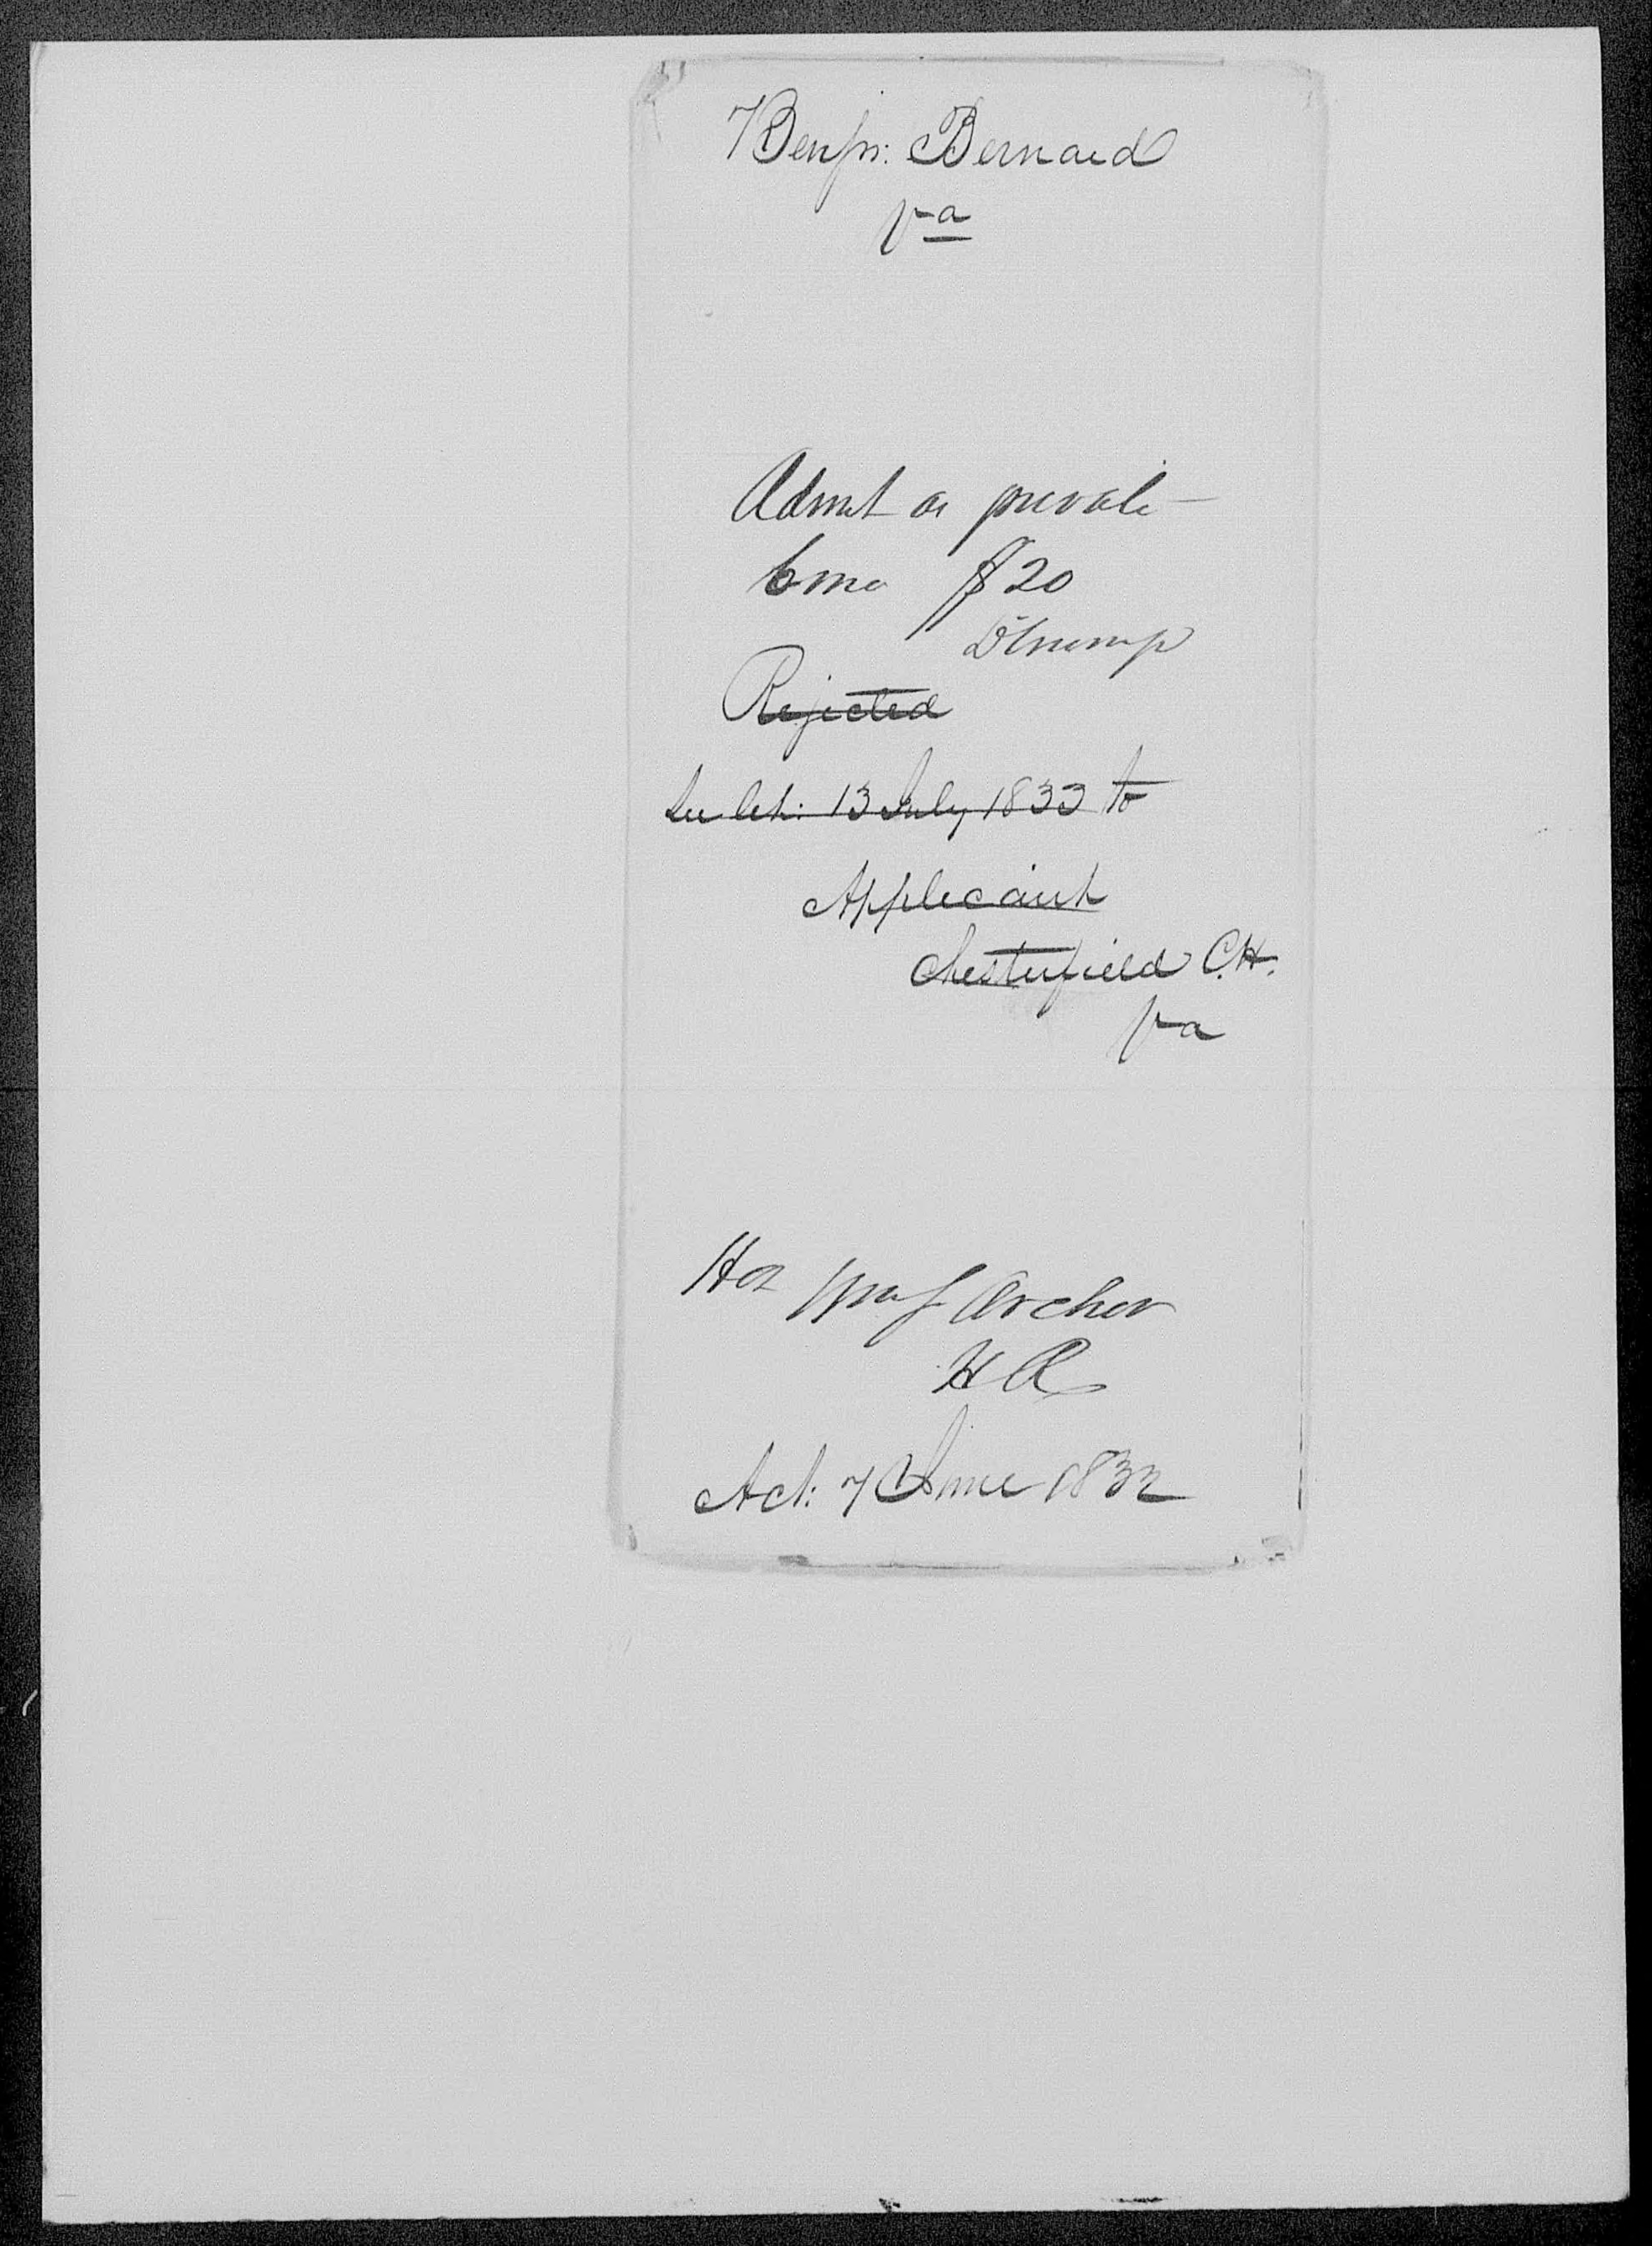Benjn Bernard
Va

Admt. as private
6 mon $20
     Crump
Reject (crossed out)
Sub:  13 July 1833 (crossed out)
Applicant (crossed out)
Chesterfield C.H., Va

Hon. Wm. S. Archer
       HA

Act of Claim 1832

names: Benjn Bernard, Wm S Archer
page: 12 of 18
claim: survivor's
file: S. 9096, Benjamin Barnard, Va.